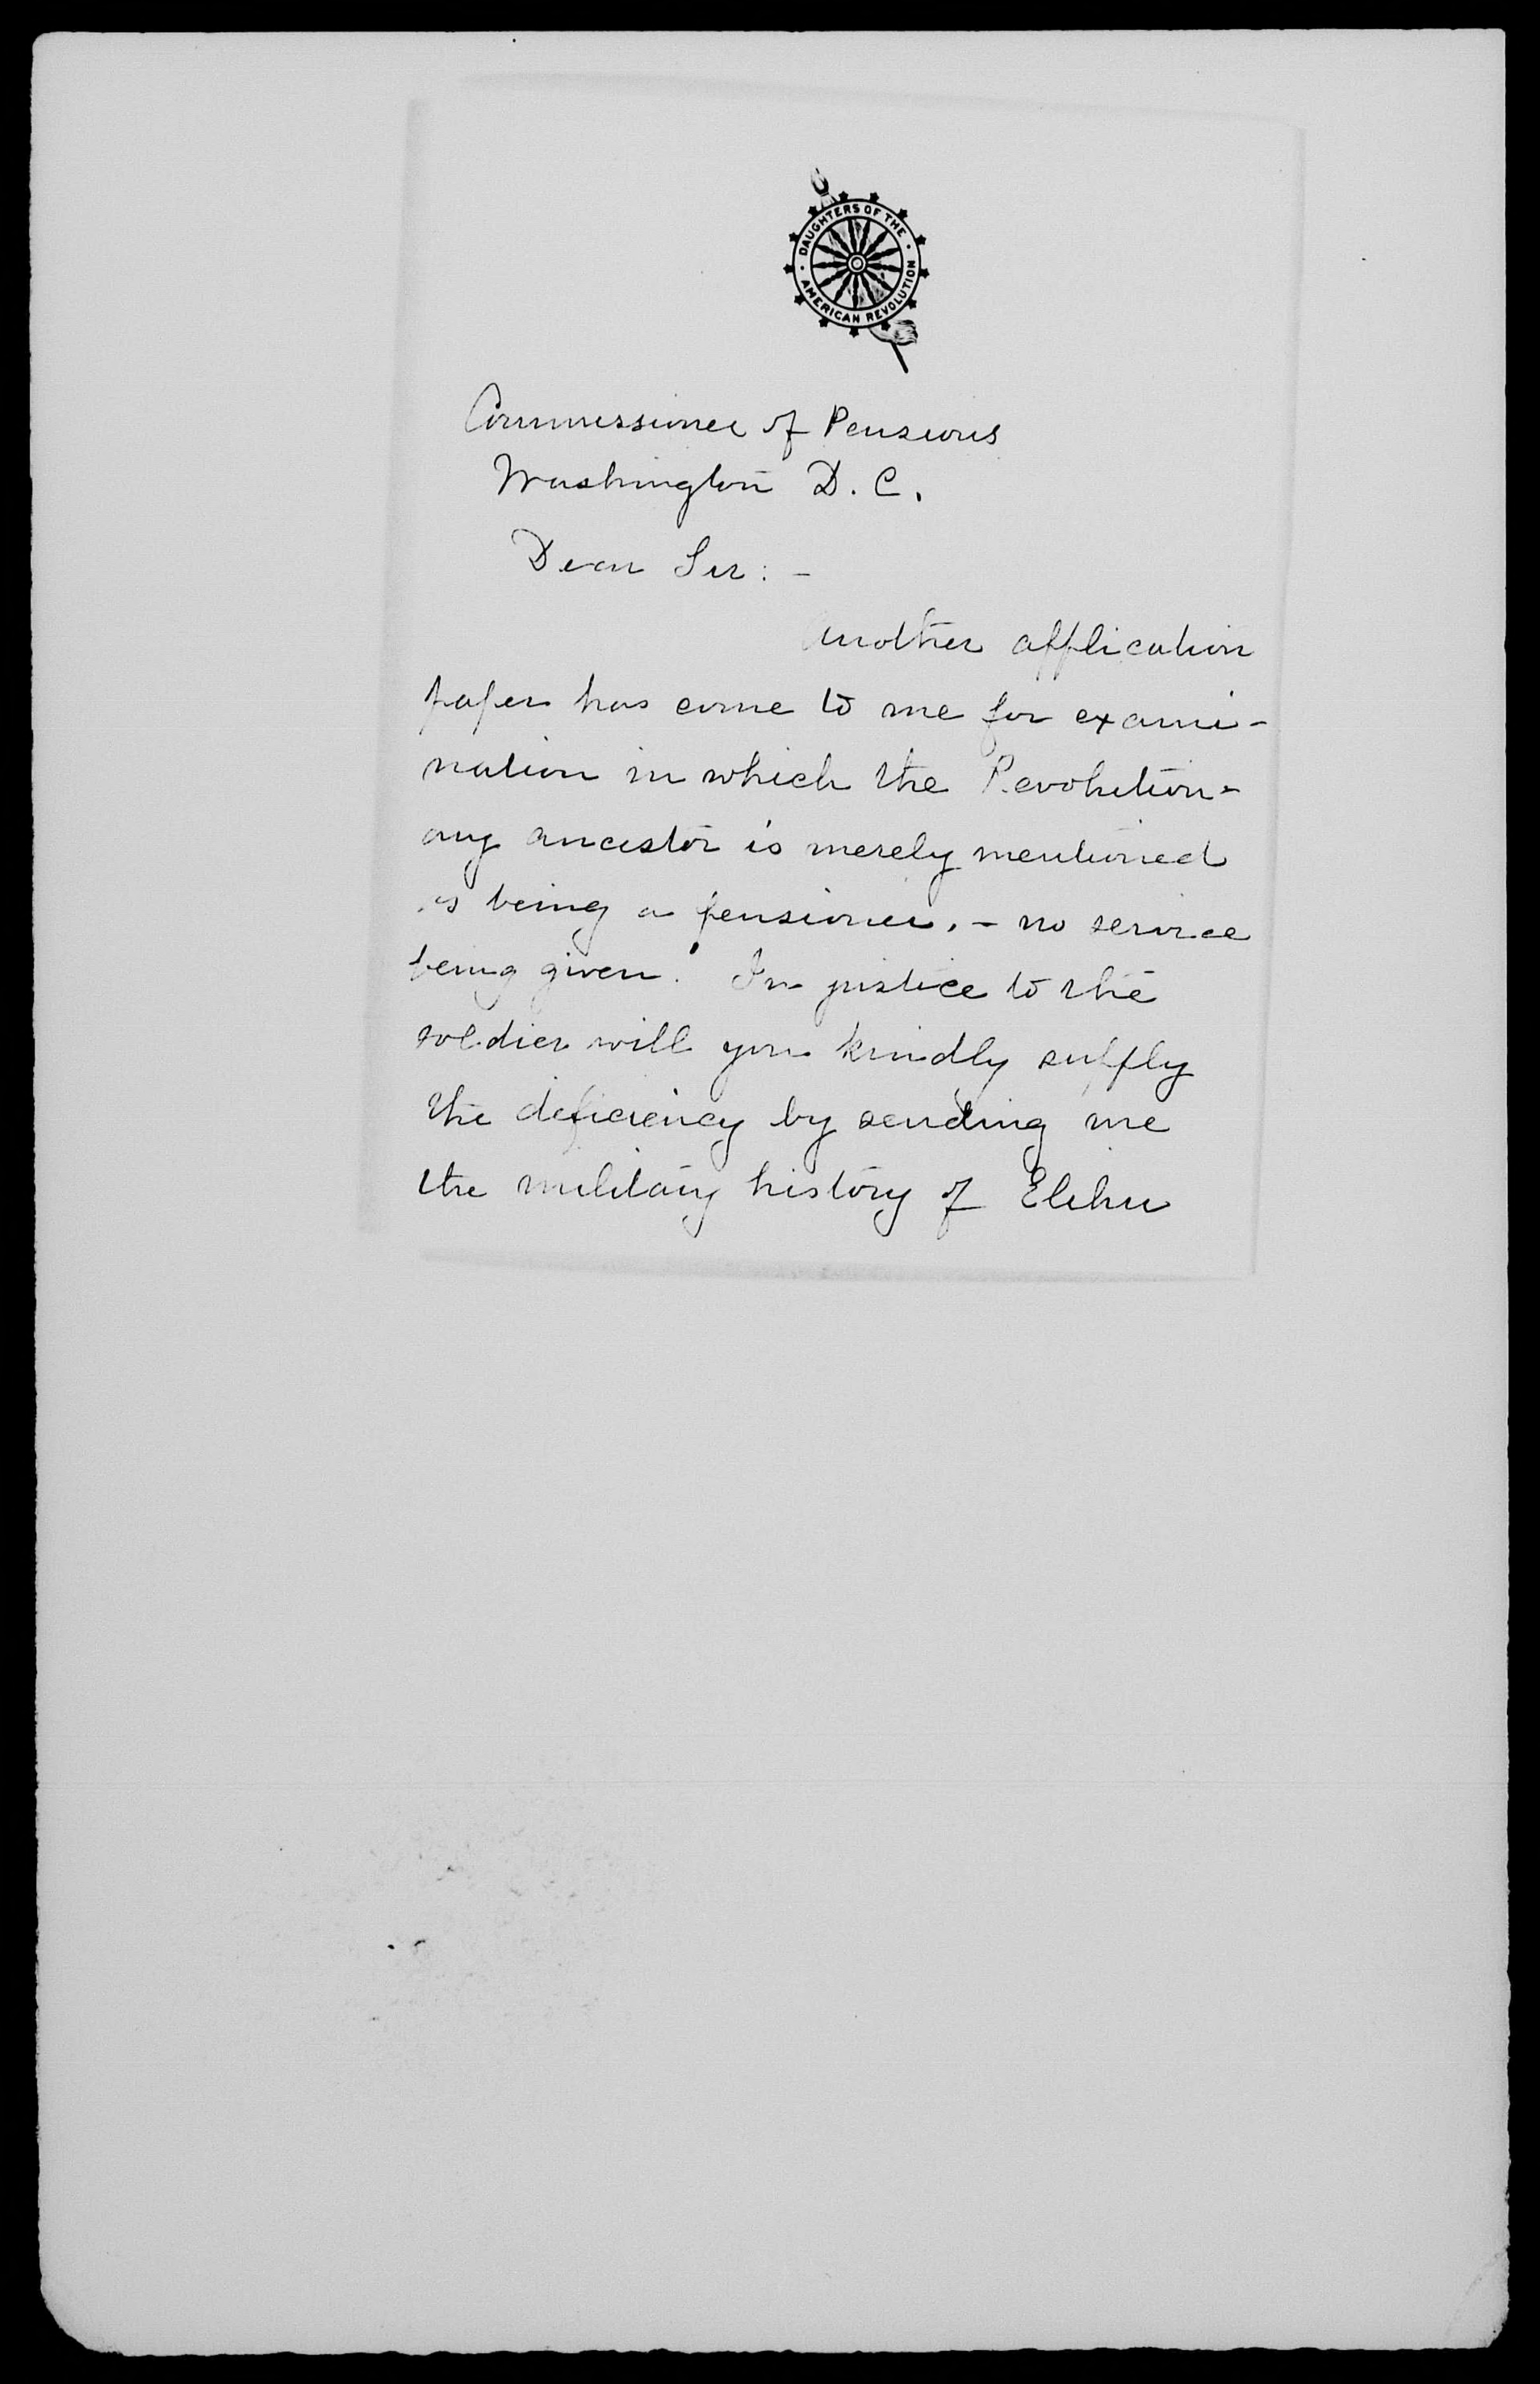[letterhead of Daughters of the American Revolution]

Commissioner of Pensions 
Washington D.C. 
Dear Sir: 
Another application paper has come to me for examination in which the Revolutionary ancestor is merely mentioned as being a pensioner, no service being given. In justice to the soldier will you kindly supply the deficiency by sending me the military history of Elihu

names: Elihu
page: 28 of 45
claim: survivor's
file: S. 15748, Elihu Benham, Conn.